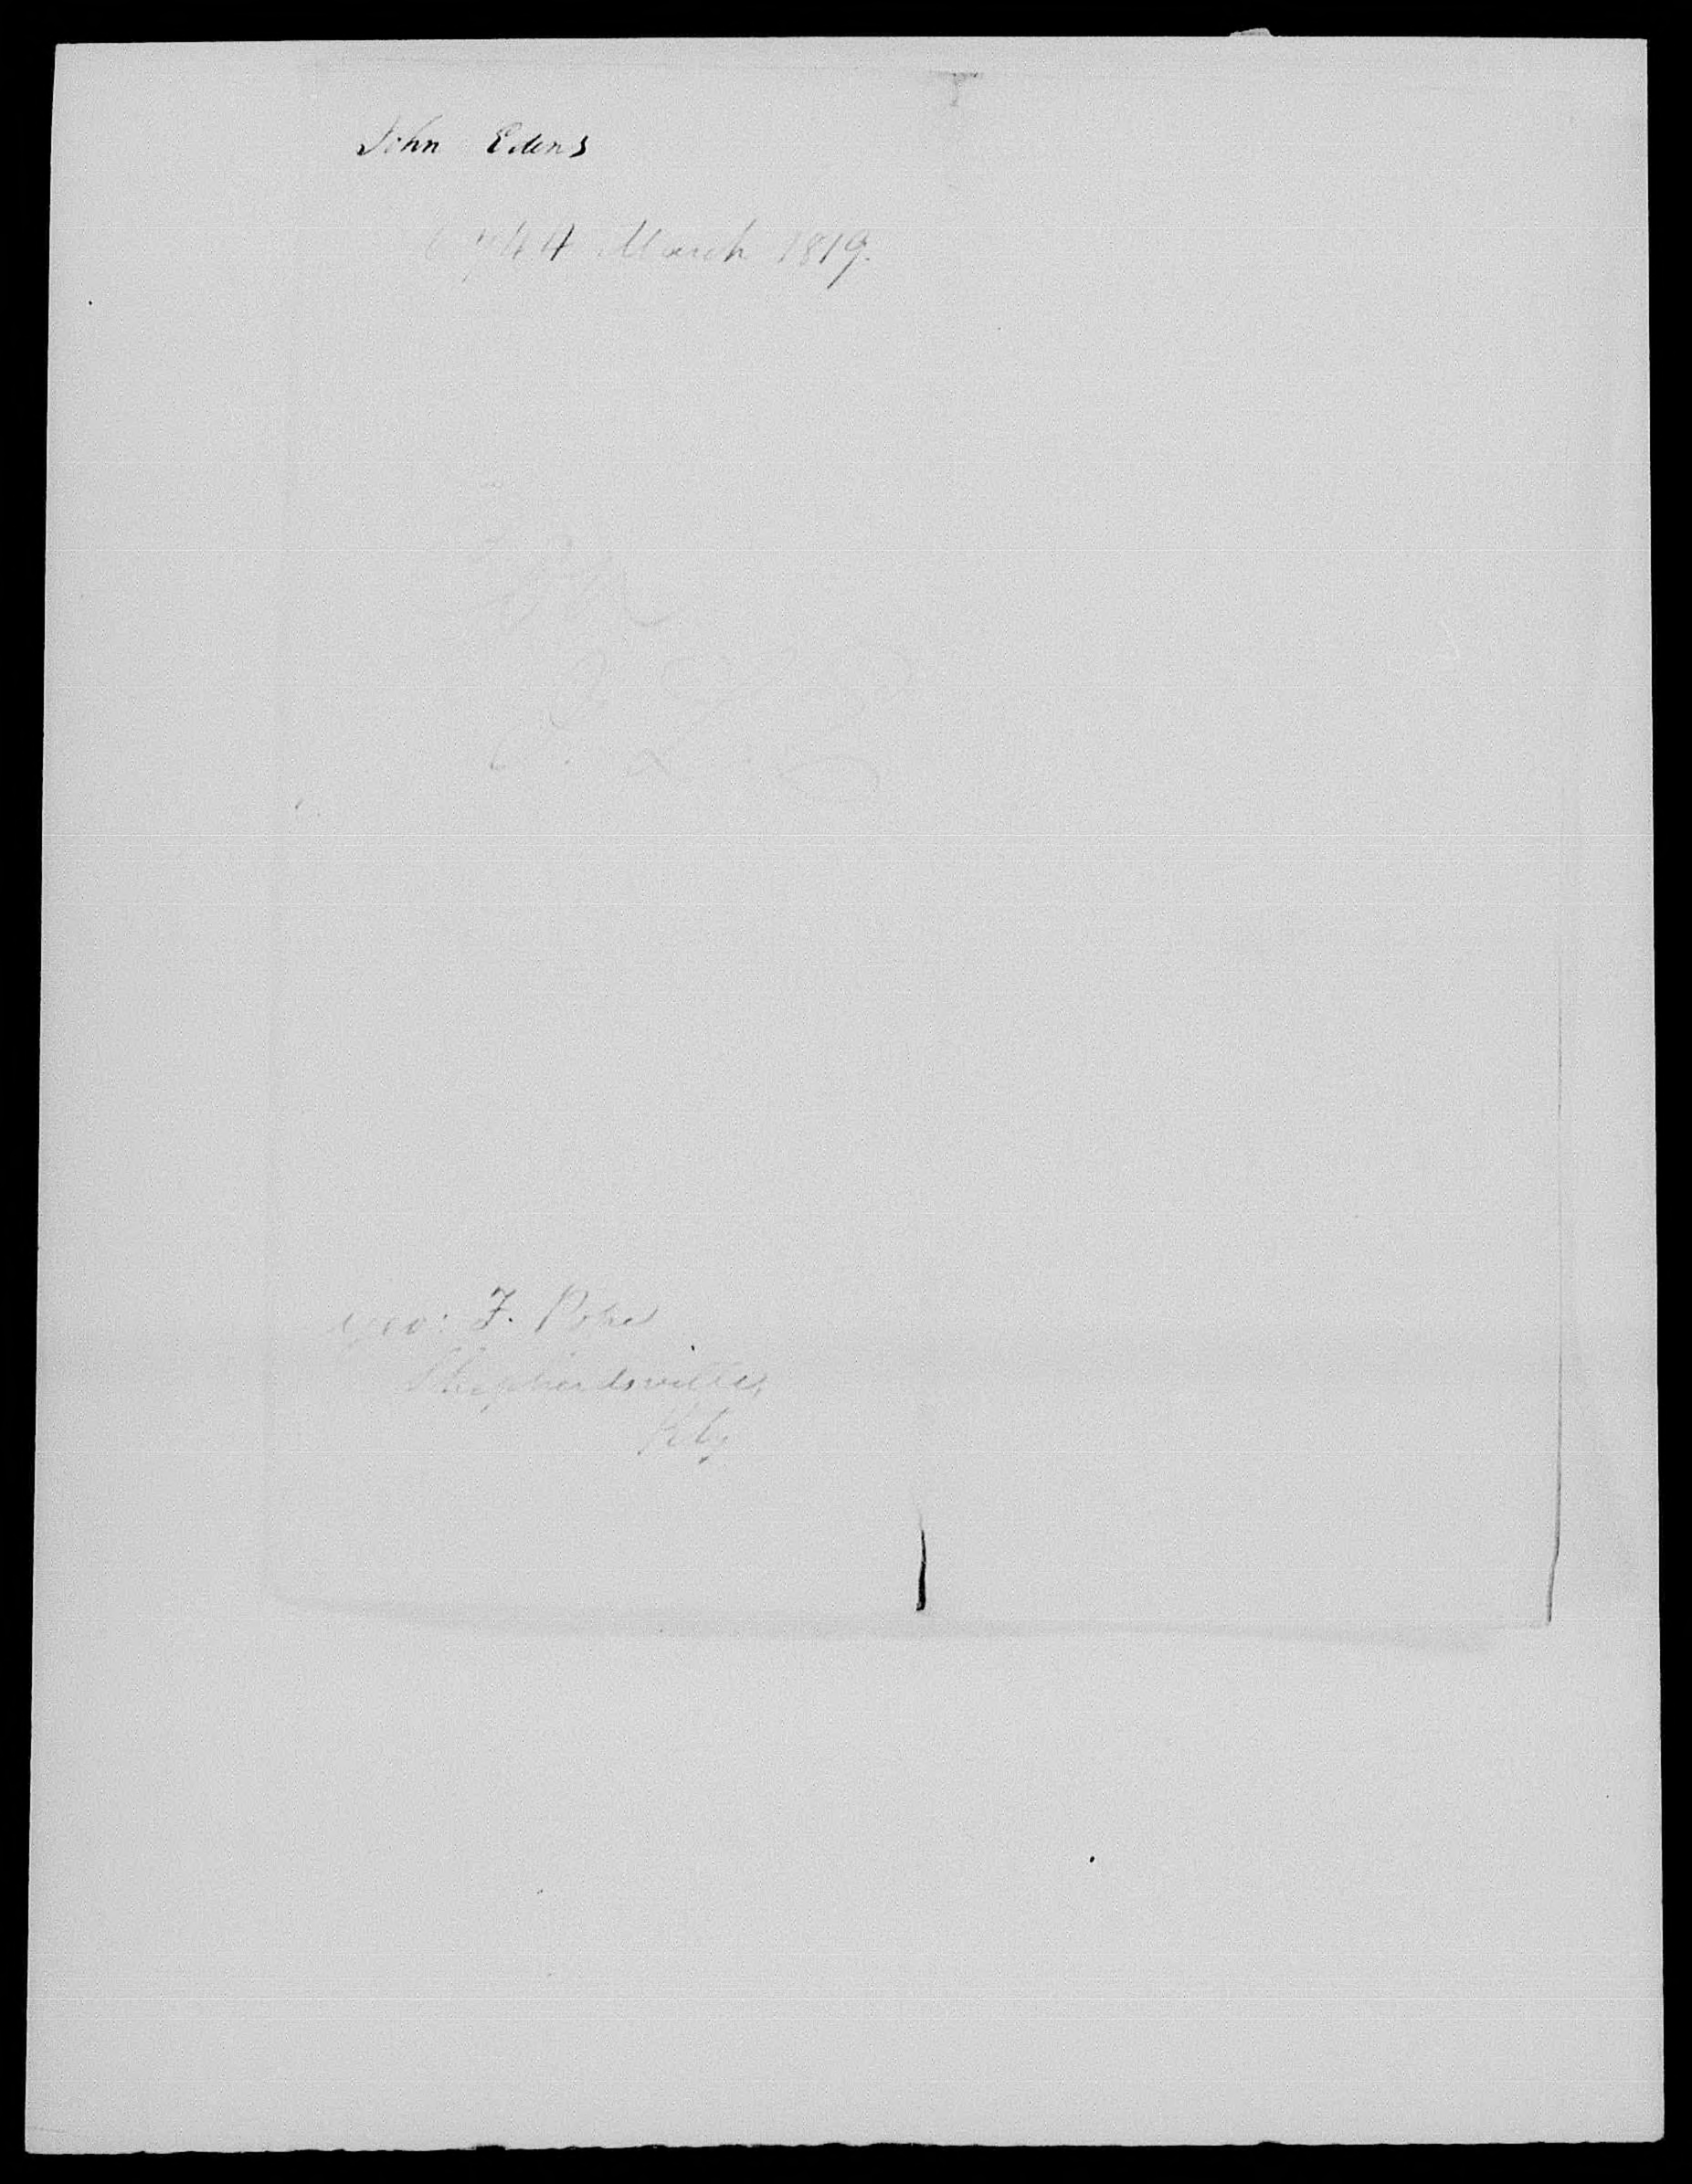John Edens 4 March 1819

George F. Pope
Shepherdsville Ky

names: John Edens, Geo F Pope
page: 6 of 14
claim: survivor's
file: S 35911, John Edens, S.C.